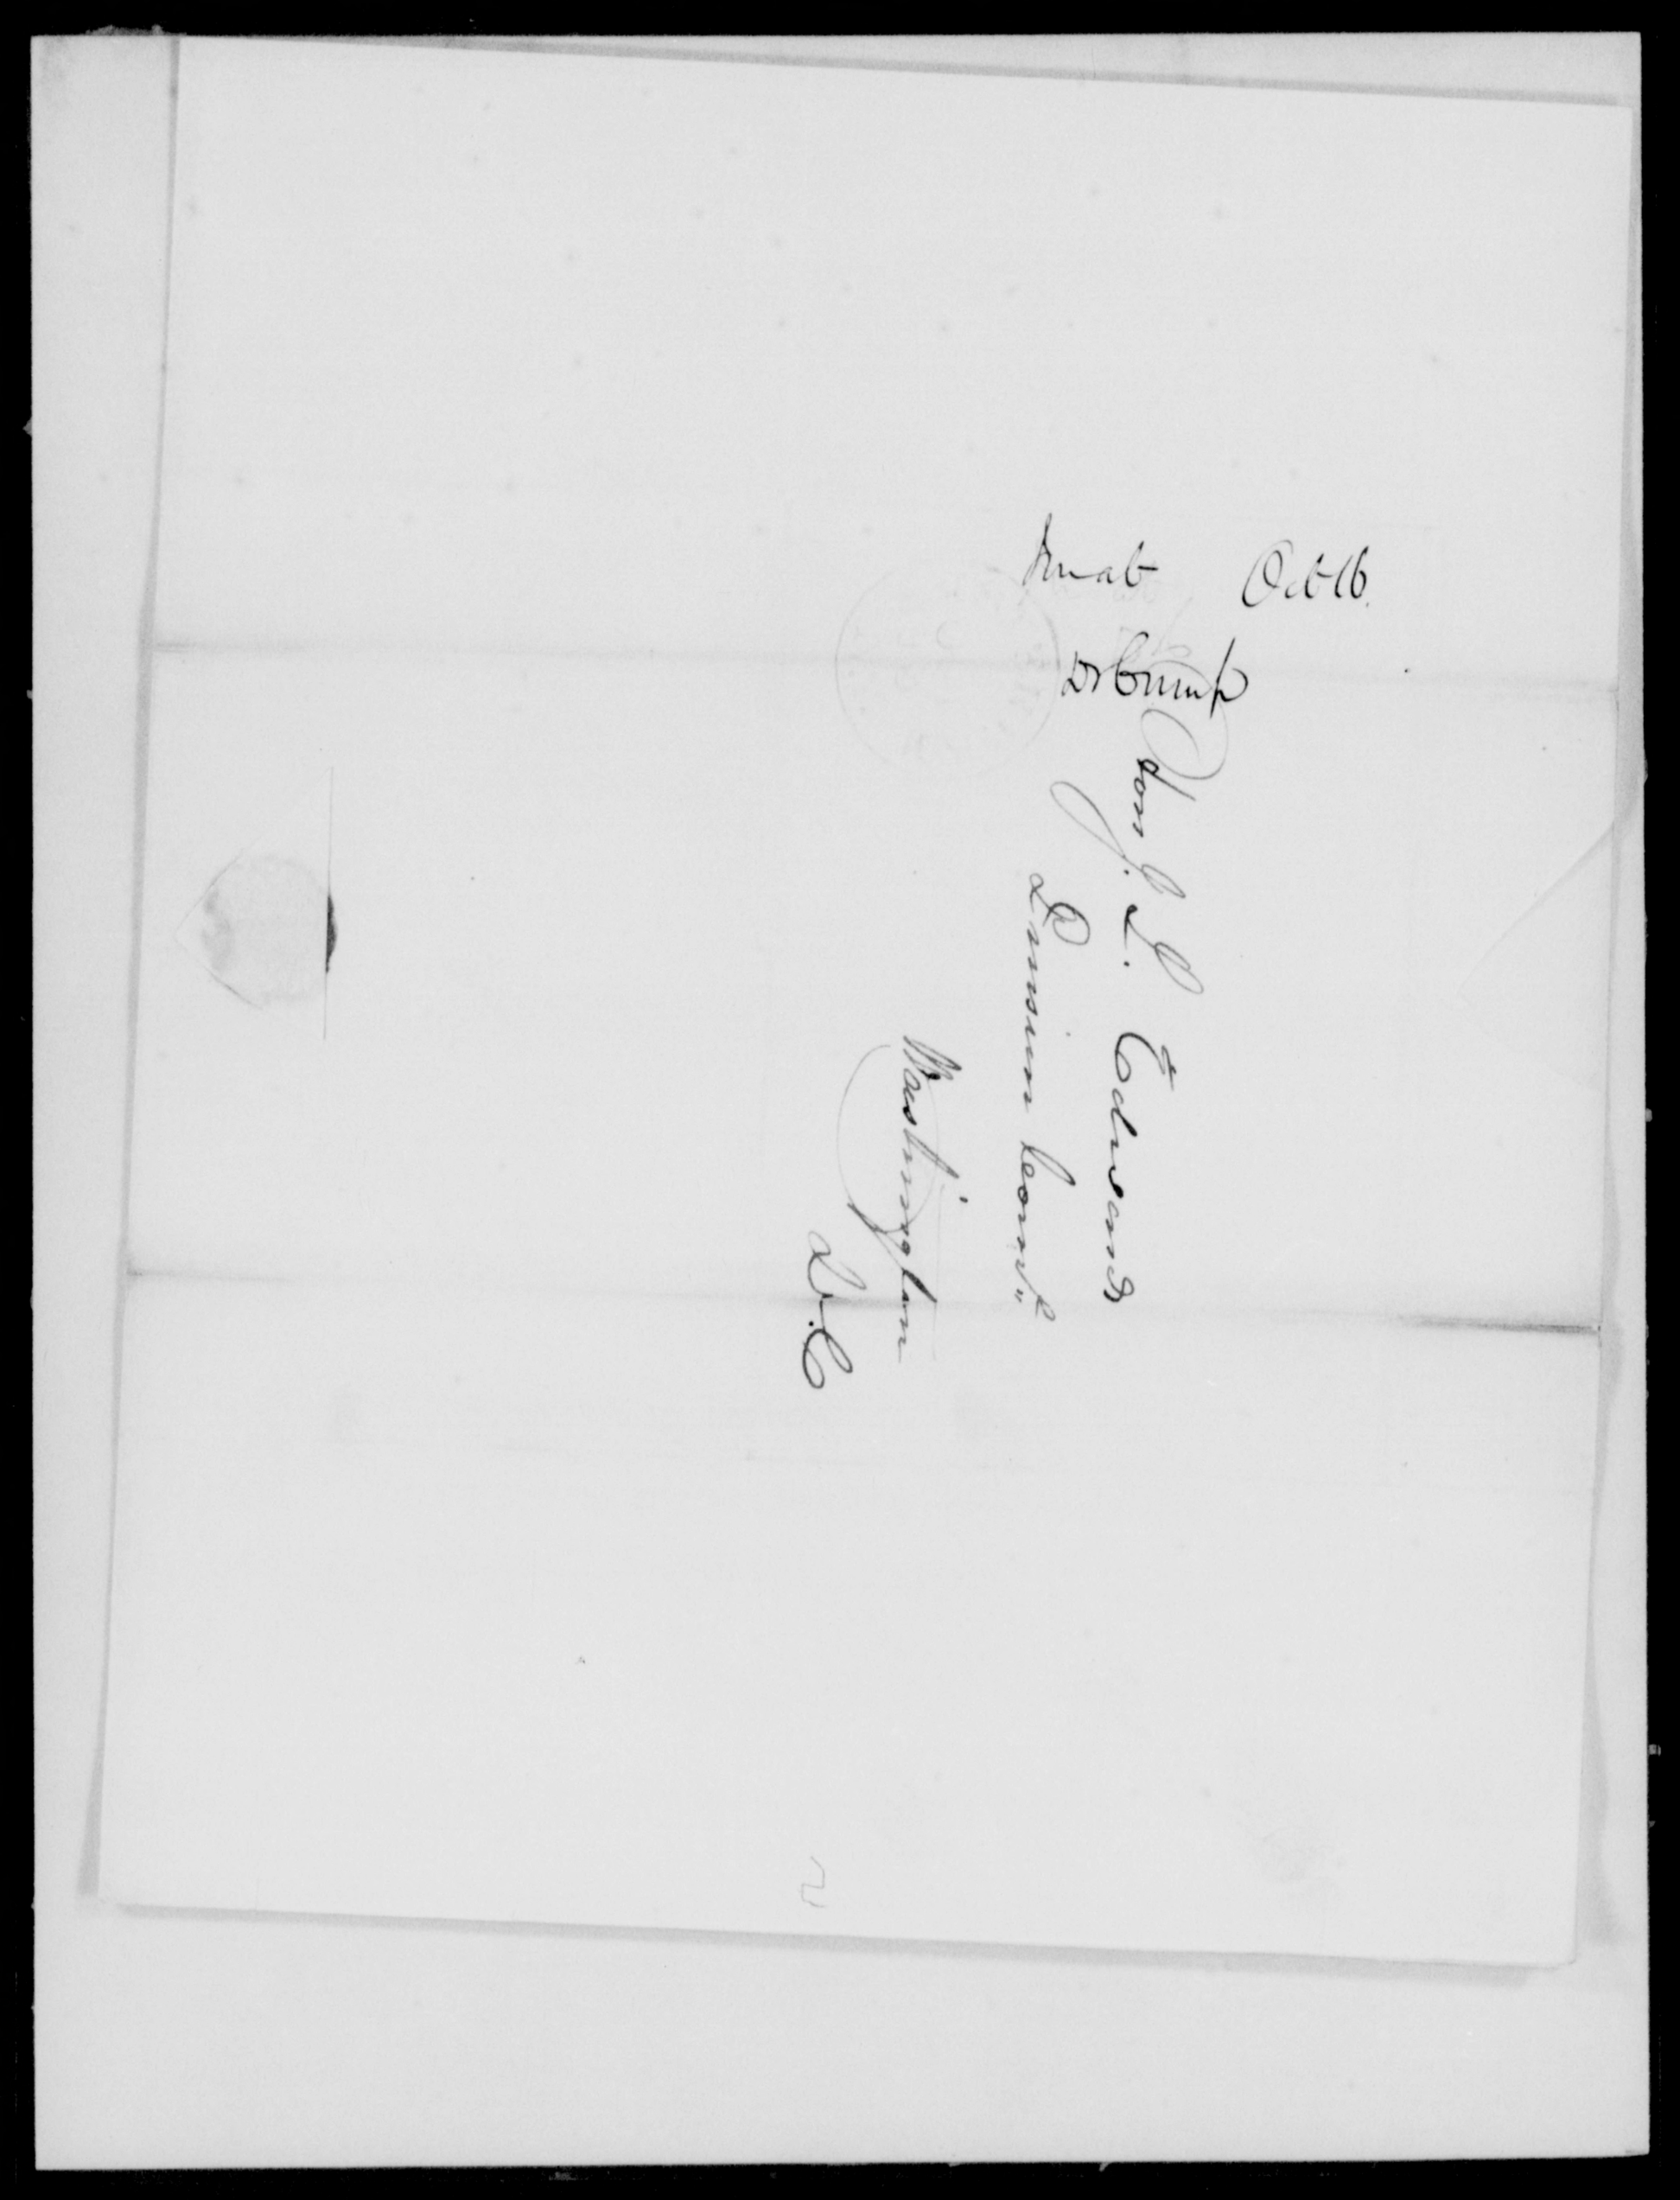In ab Oct 16
Dr Crump 

Hon J.L. Edwards 
Pension Commr.
Washington D.C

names: J L Edwards, Crump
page: 33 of 57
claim: survivor's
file: S. 28,925, Albert Van Housen, New York